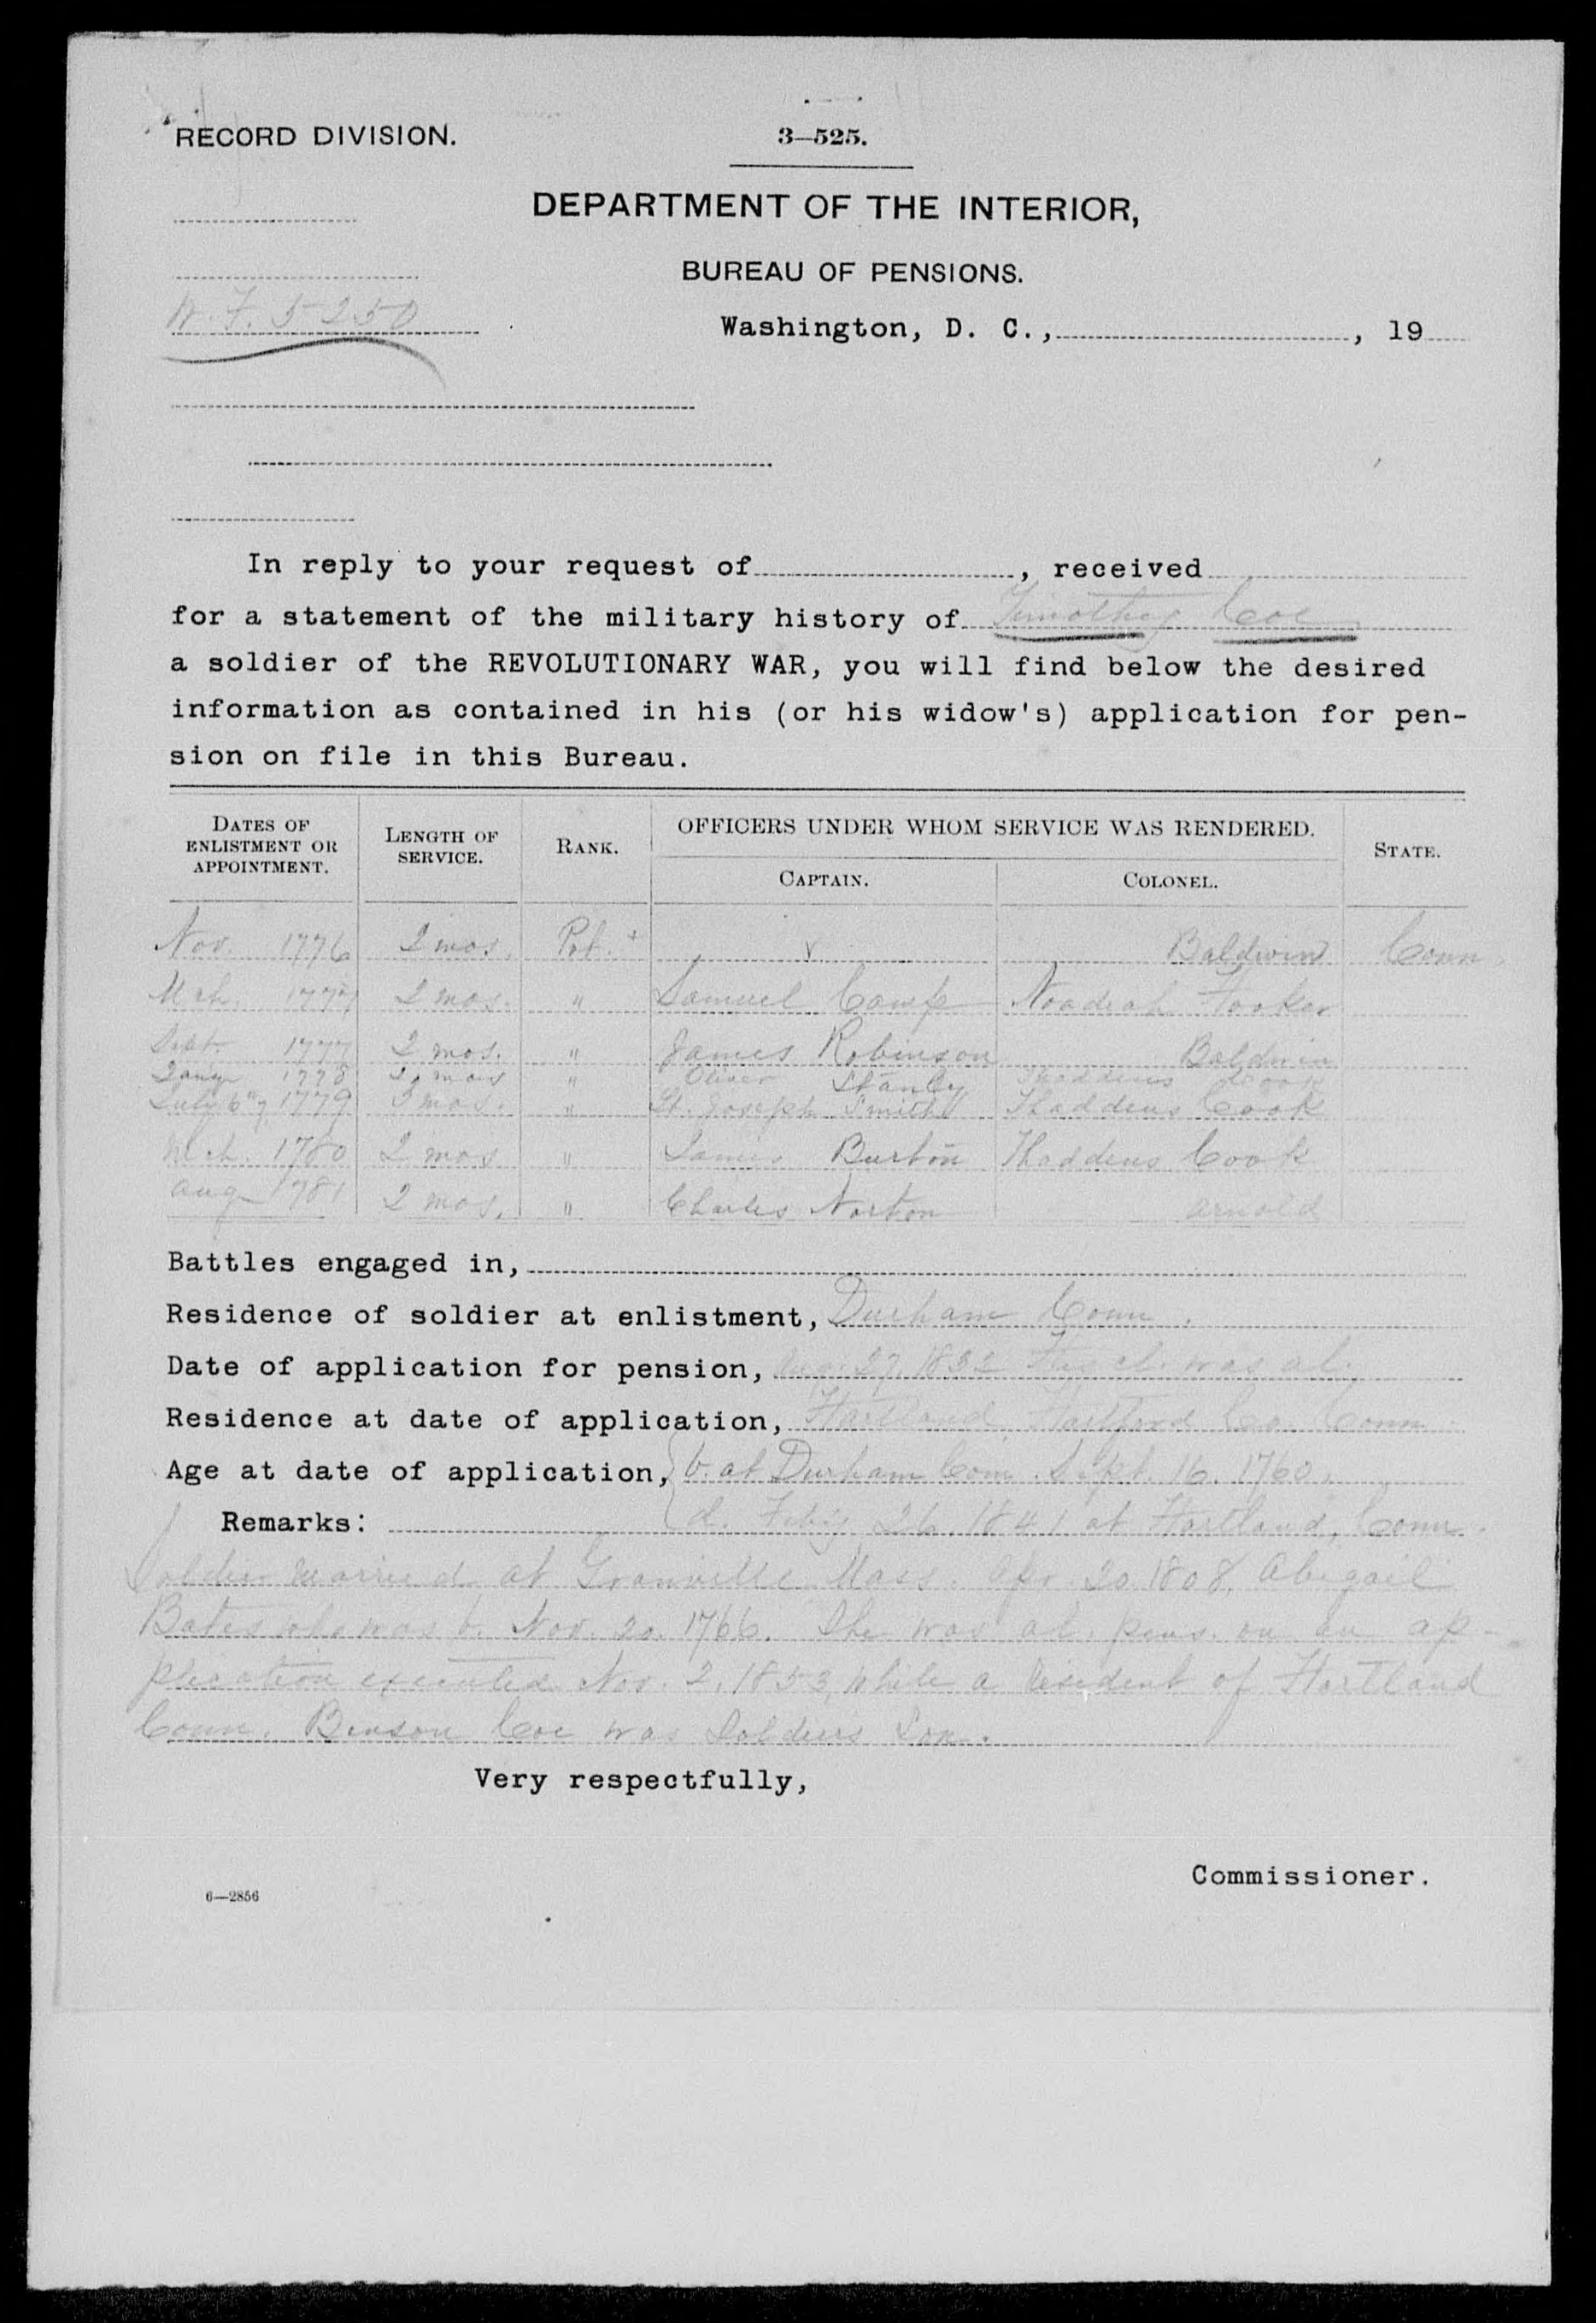RECORD DIVISION.
3 -- 525.
DEPARTMENT OF THE INTERIOR.
BUREAU OF PENSIONS.
Washington, D. C., ___________________, 19______
D.F. 3-250
In reply to your request of
received for
a statement of the military history of Timothy Coe
a soldier of the REVOLUTIONARY WAR, you will find below the desired
information as contained in his (or his widow's) application for pension
on file in this Bureau.
DATES OF
ENLISTMENT OR
APPOINTMENT.
Nov 1776
Mar 1777
Sept 1777
Jany 1778
July 6, 1779
Mar 1780
Aug 1781
LENGTH OF
SERVICE.
2 mos
2 mos
2 mos
2 mos
3 mos
2 mos
2 mos
RANK
Pvt
"
"
"
"
"
"
OFFICERS UNDER WHOM SERVICE WAS RENDERED.
CAPTAIN.
Samuel Camp
James Robinson
Oliver Stanley
Lt. Joseph Smith
James Burton
Charles Norton
COLONEL.
Baldwin
Noadiah Hooker
Baldwin
Thaddeus Cook
Thaddeus Cook
Thaddeus Cook
Arnold
STATE.
Conn
Battles engaged in, 
Residence of soldier at enlistment, Durham Conn
Date of application for pension, Aug 27, 1832 [illegible]
Residence at date of application, Hartland Hartford Co Conn
Age at date of application, b at Durham Co, Sept. 16, 1760 d. Feby 26 1841 at Hartland, Conn.
Soldier married at Granville Mass. Apr. 20 1808. Abigail Bates who
was b. Nov. 22. 1766. She was a pension on application executed Nov. 2, 1853, while a resident of Hartland
Conn. Benson Coe Was Soldiers Son.
Very respectfully,
Commissioner.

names: Joseph Smith, Thaddeus Cook, Oliver Stanly, Charles Norton, Baldwin, Samuel Camp, Theddeus Cook, James Robinson, Noudiah Hooker, Benson Coe, Thaddeus Cook, Arnold, Abigail Bates, Baldwin, James Burton, Timothy Coe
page: 12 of 76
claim: widow's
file: W. 5,250, Timothy Coe, Conn.